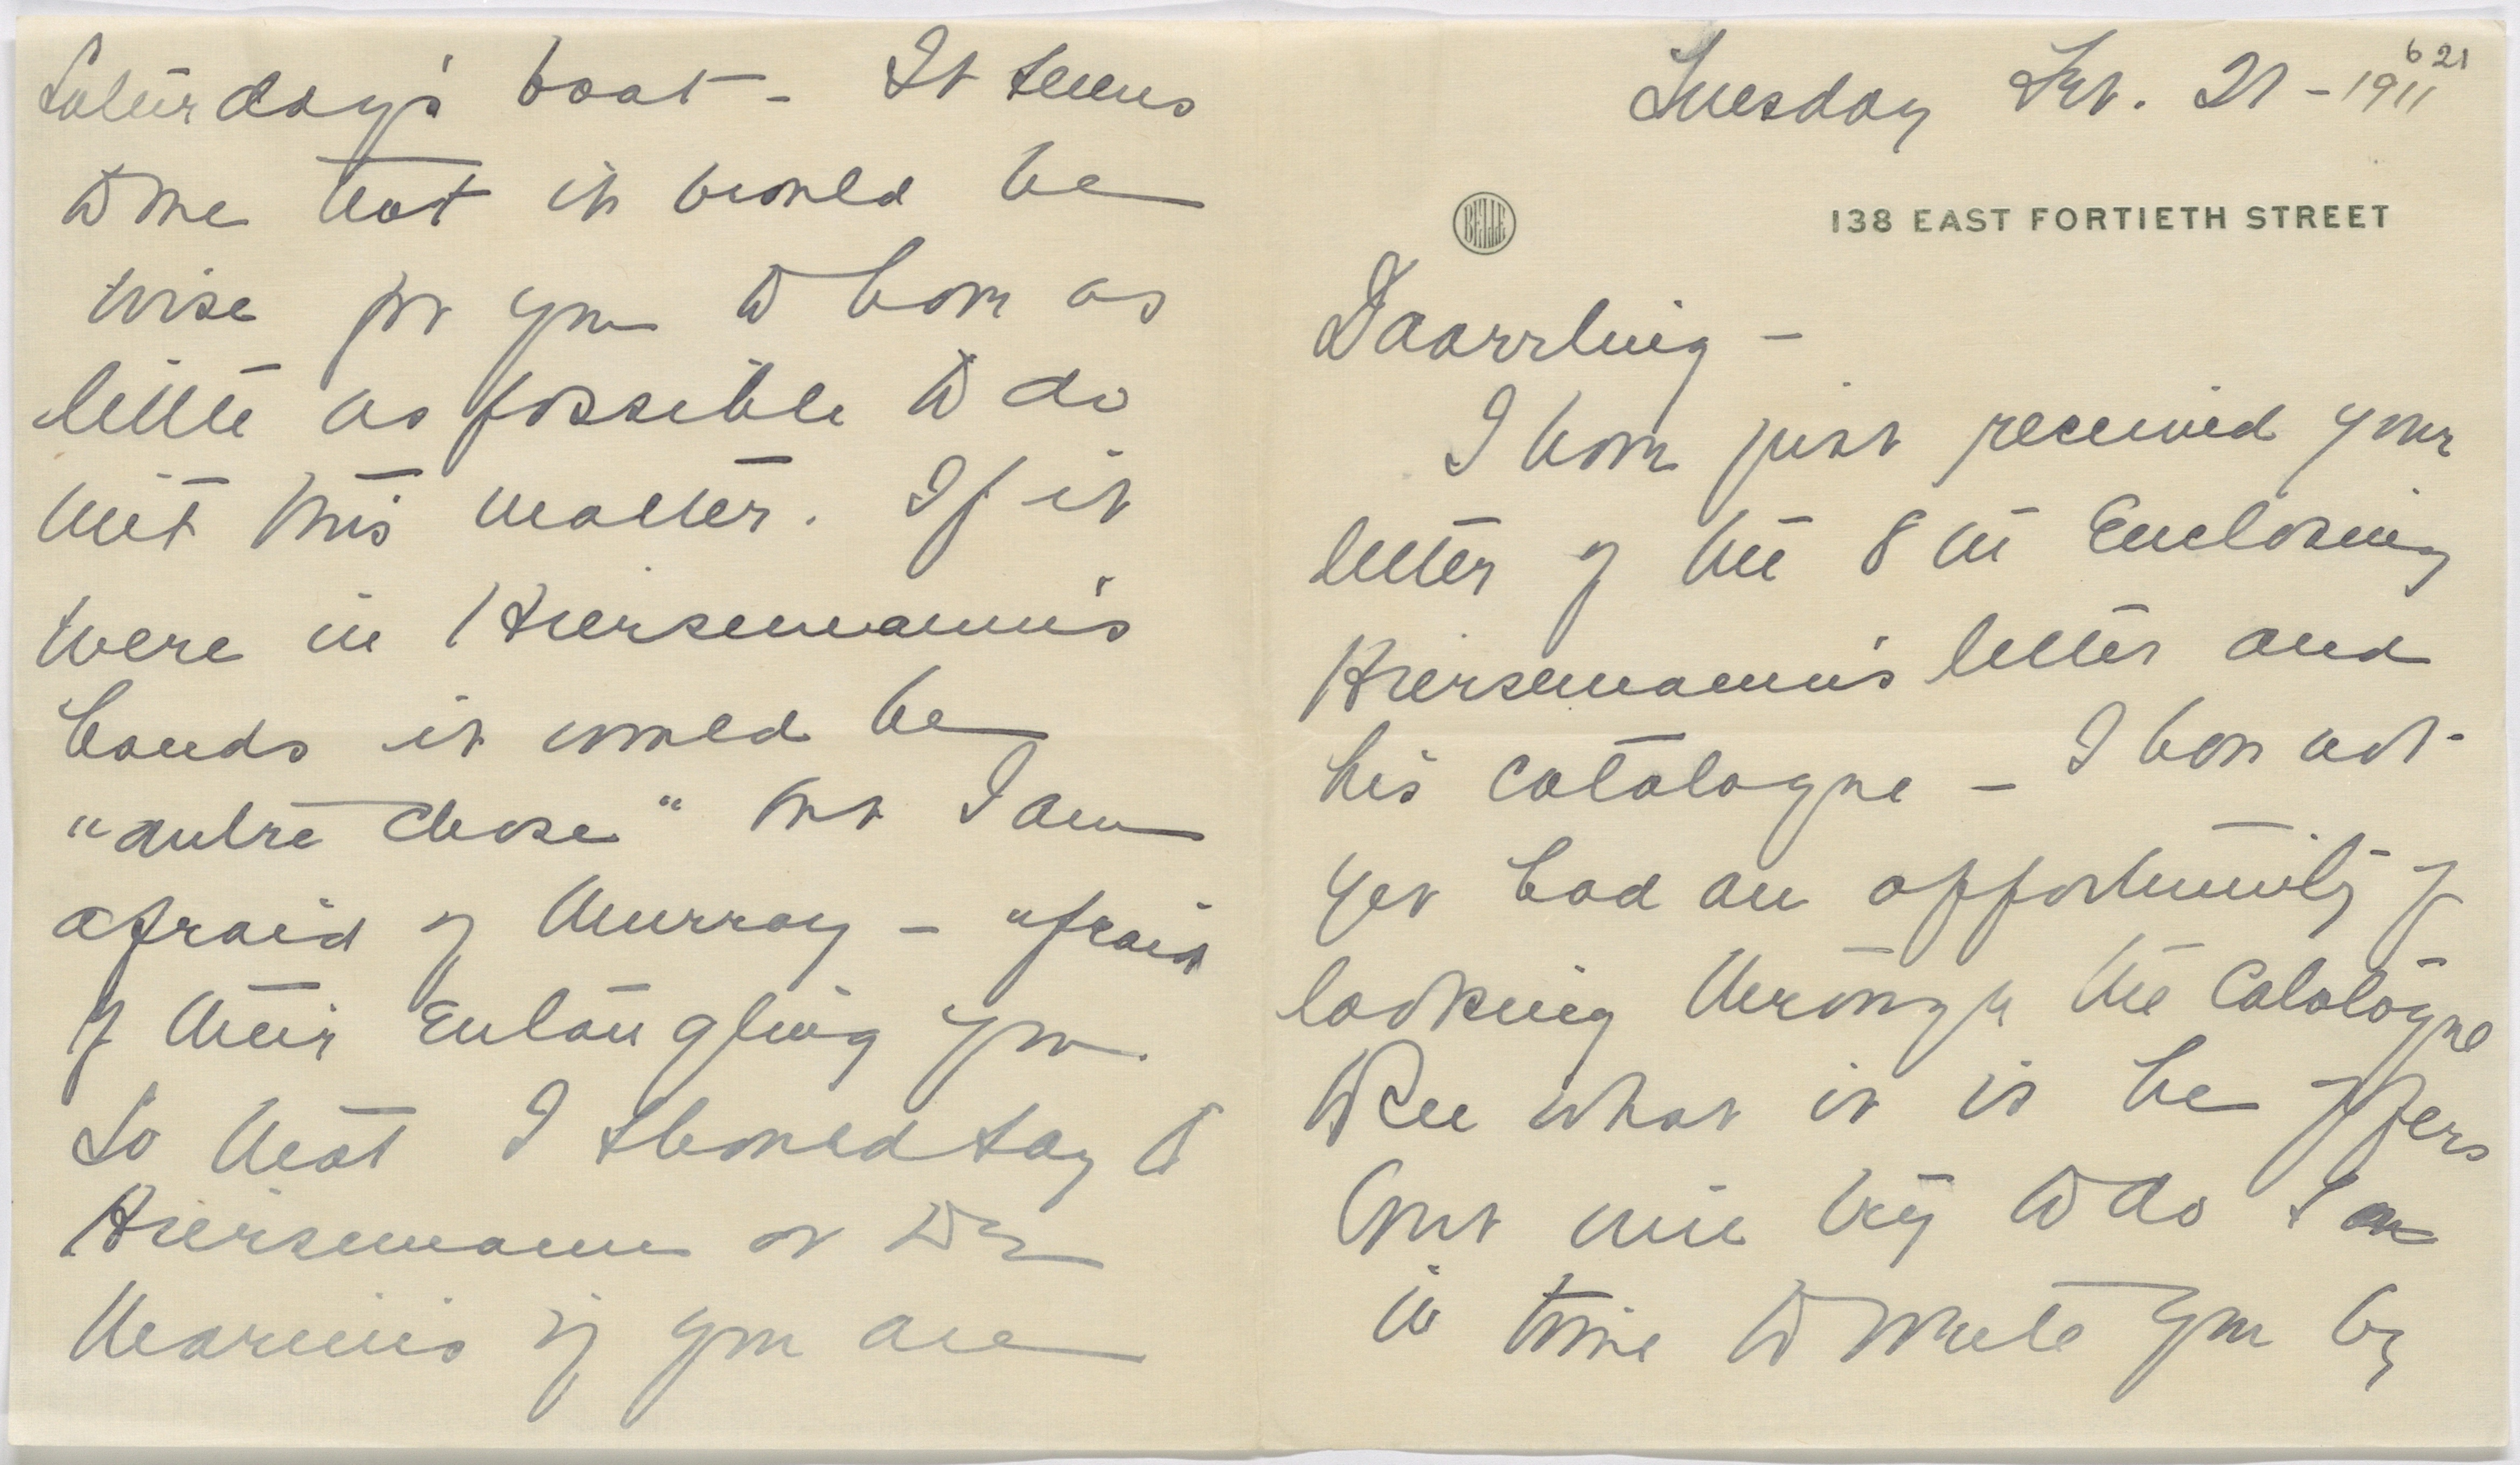Tuesday Feb. 21 –
Daarrling –
I have just received your letter of the 8th enclosing Hiersemann’s letter and his catalogue – I have not yet had an opportunity of looking through the catalogue to see what it is he offers but will try to do so in time to write you by
Saturday’s boat – It seems to me that it would be wise for you to have as little as possible to do with this matter. If it were in Hiersemann’s hands it would be “autre chose” but I am afraid of Murray – afraid of their entangling you so that I should say to Hiersemann or De Marinis if you are